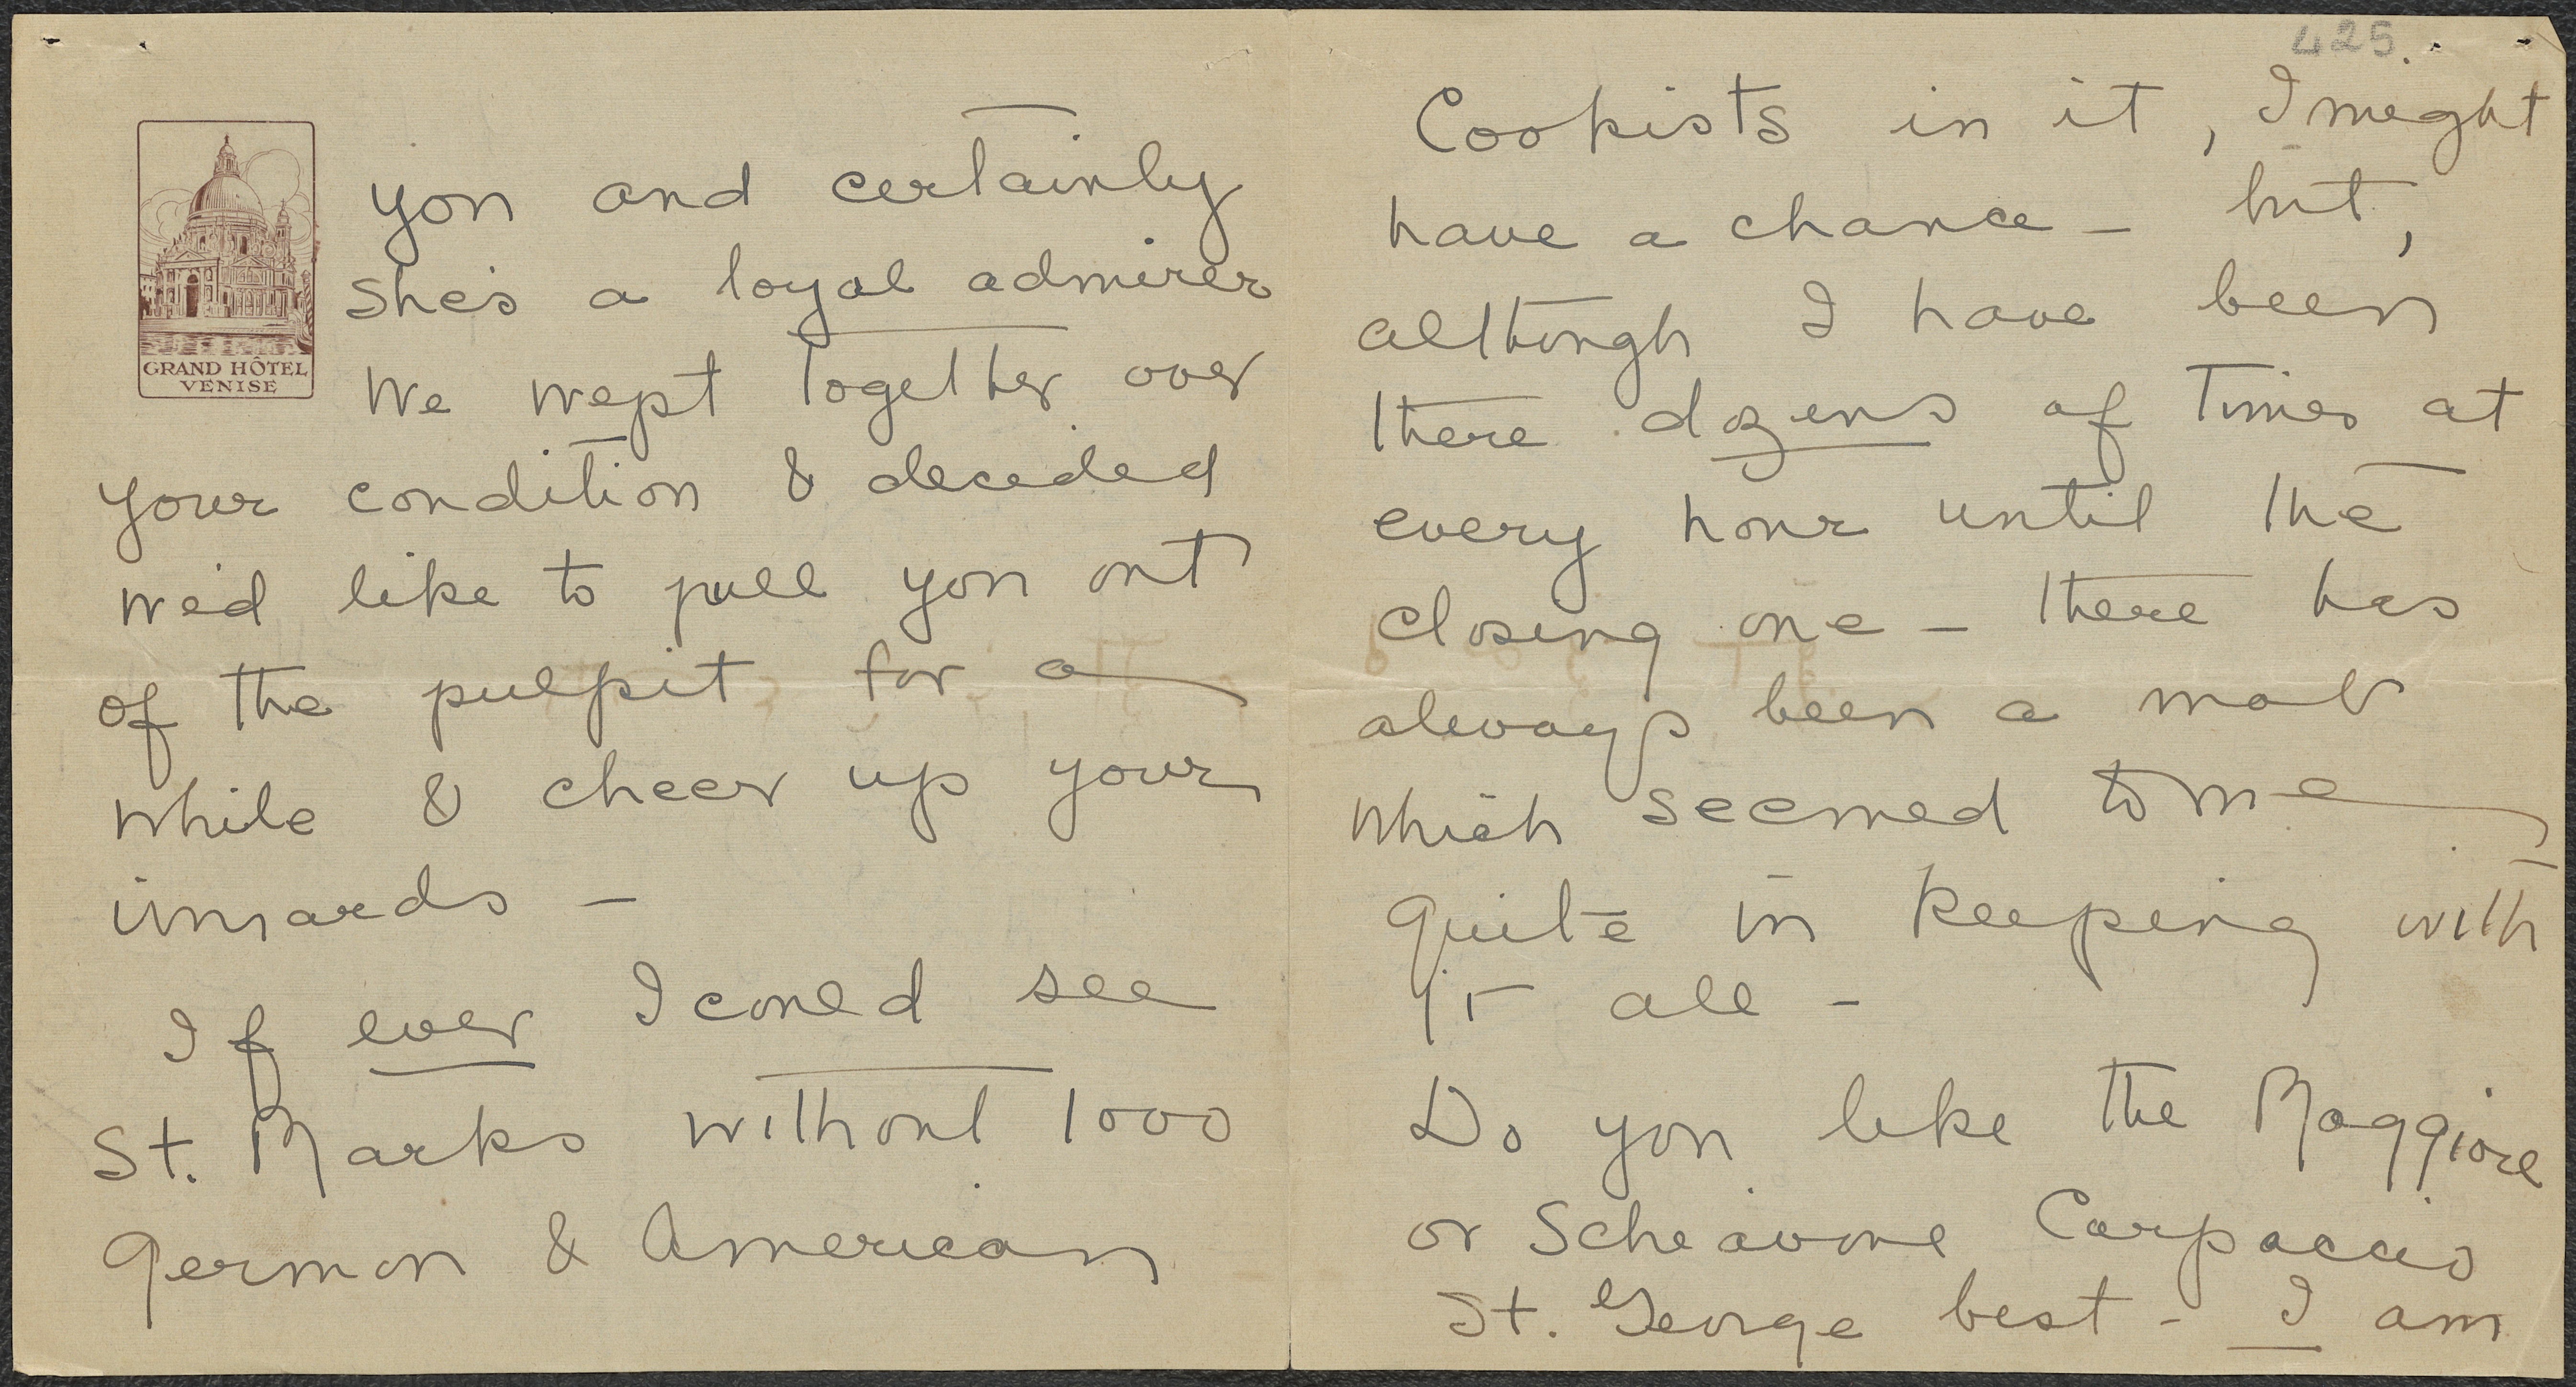you and certainly she’s a loyal admirer
We wept together over your condition & decided we’d like to pull you out of the pulpit for a while & cheer up your innards –
If ever I could see St. Marks without 1000 German & American
Cookists in it, I might have a chance – but, although I have been there dozens of times at every hour until the closing one – there has always been a mob which seemed to me quite in keeping with it all –
Do you like the Maggiore or Schiavone Carpaccio St. George best – I am